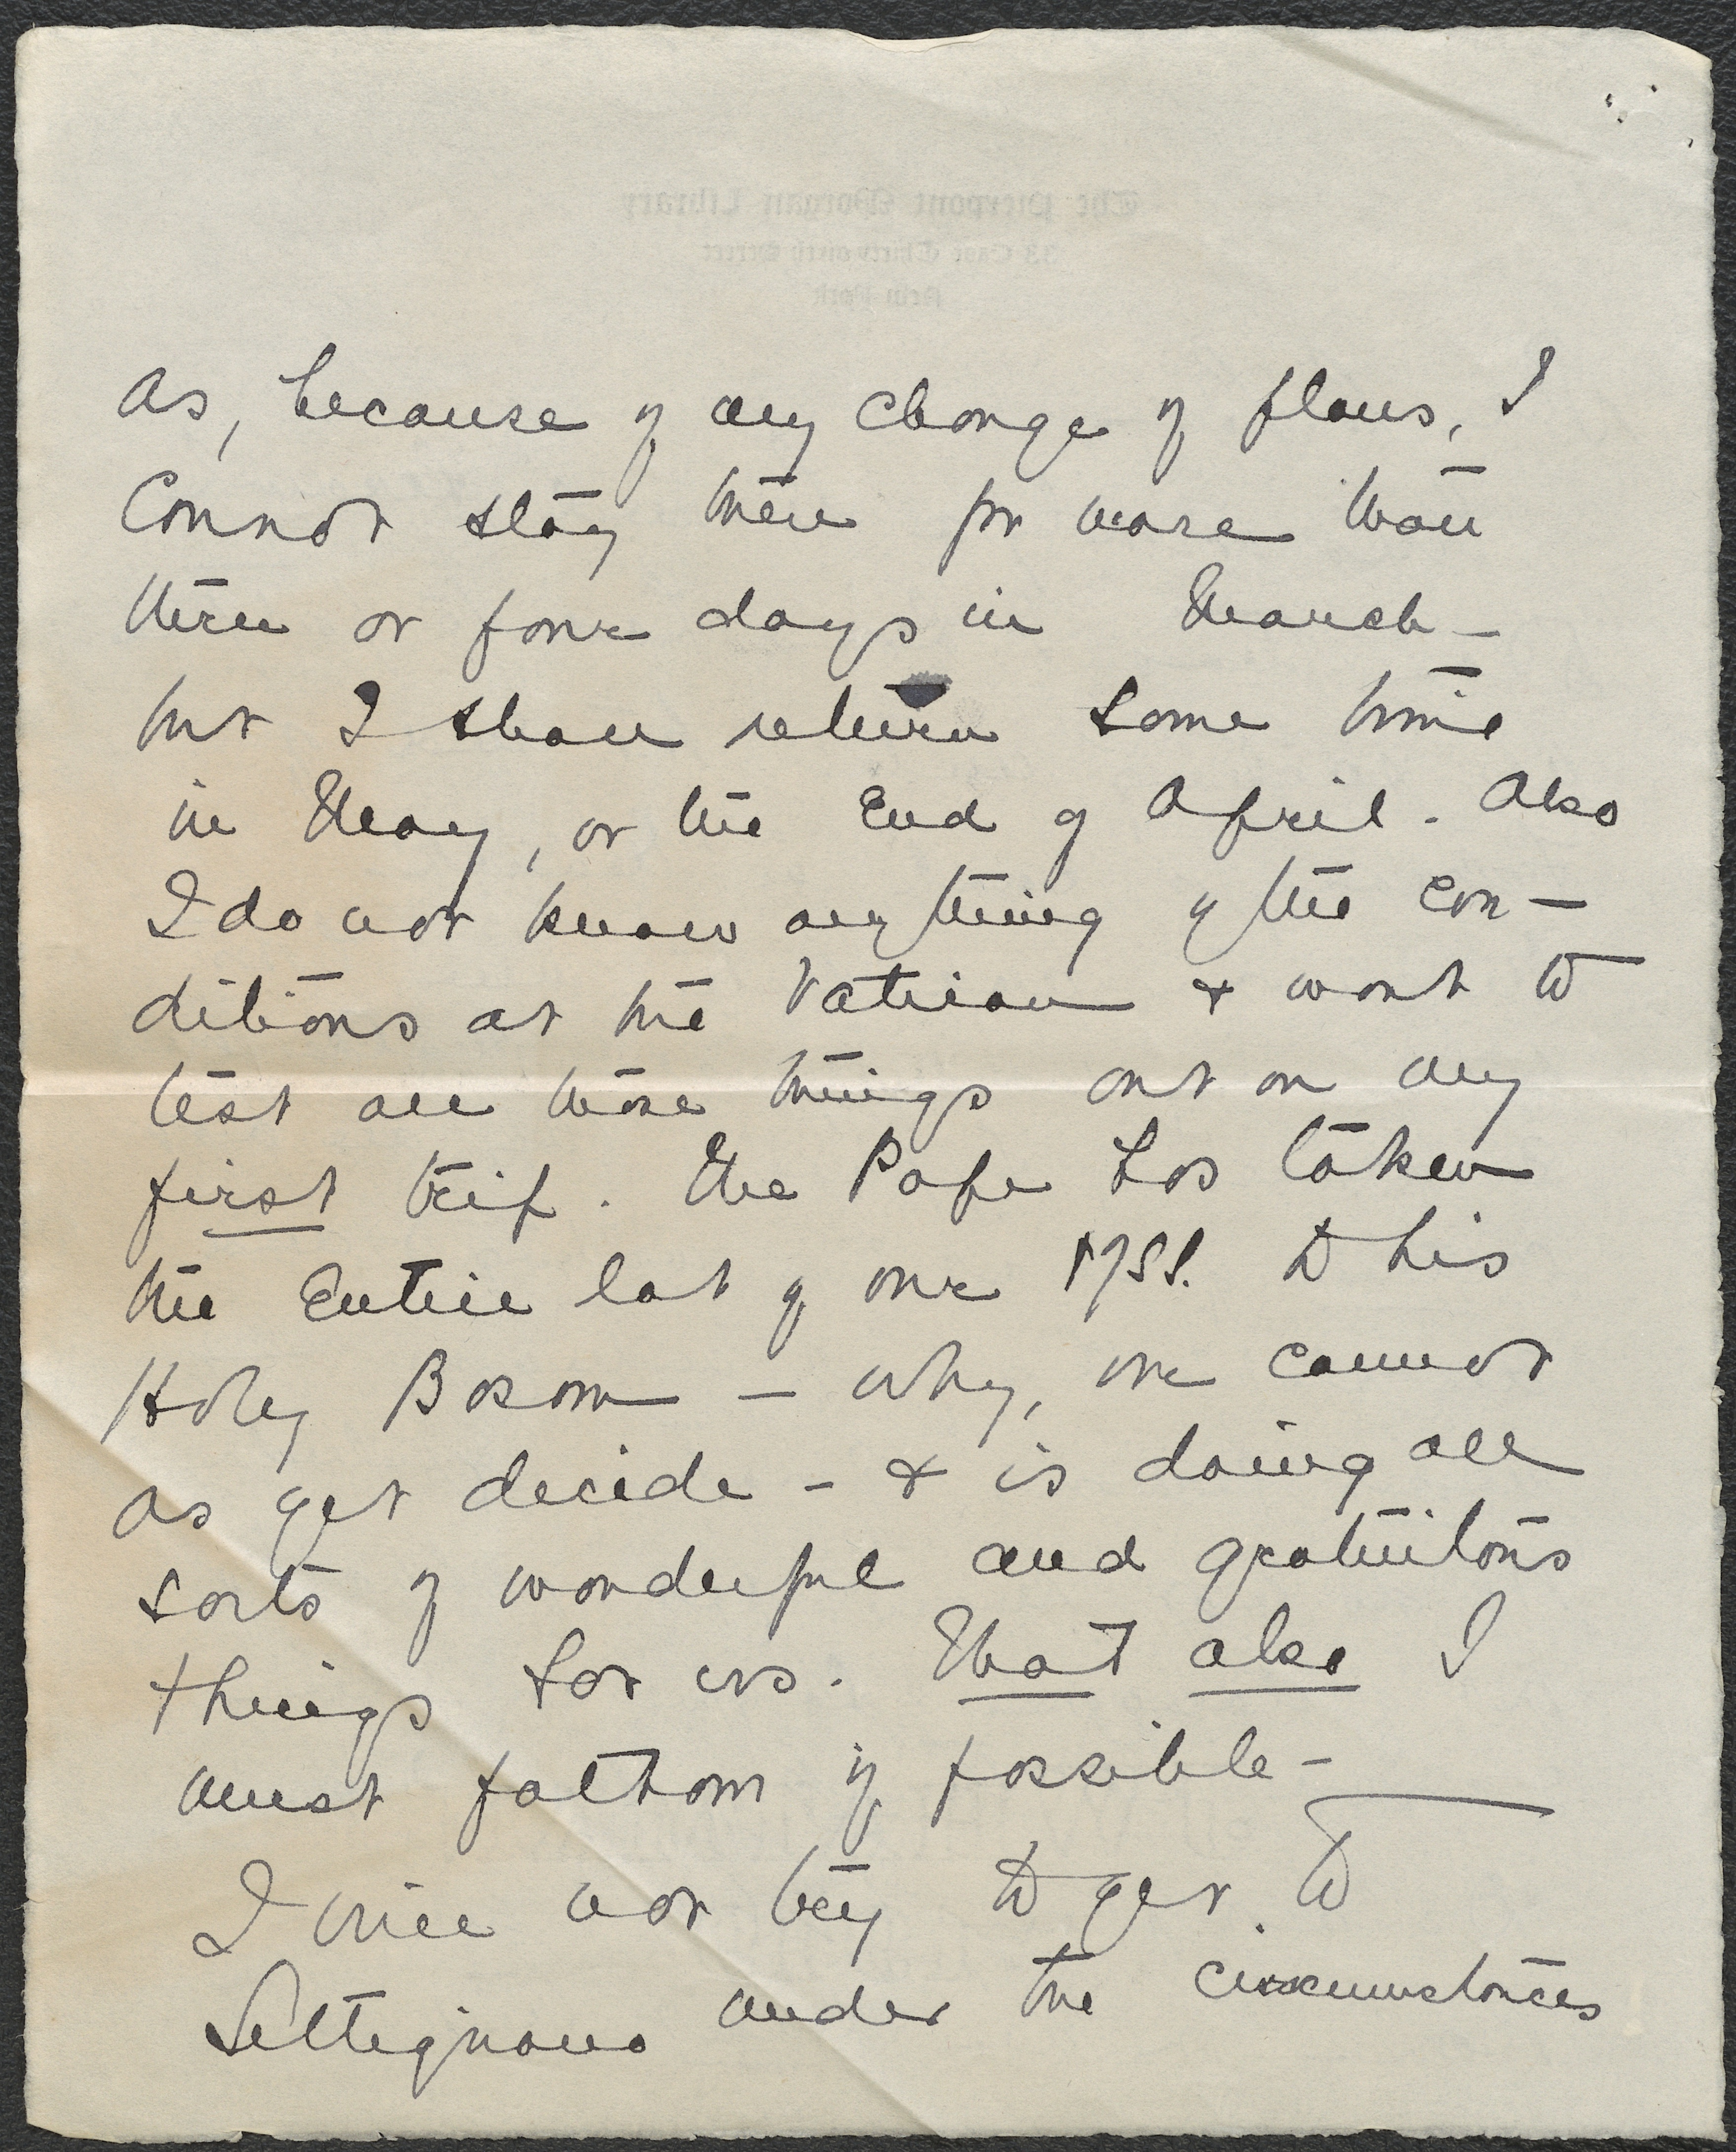as, because of my change of plans, I cannot stay there for more than three or four days in March – but I shall return some time in May, or the end of April. Also I do not know anything of the conditions at the Vatican & want to test all those things out on my first trip. The Pope has taken his entire lot of our MSS. to his Holy Bosom – why, we cannot as yet decide – & is doing all sorts of wonderful and gratuitous things for us. That also I must fathom if possible –
I will not try to get to Settignano under the circumstances